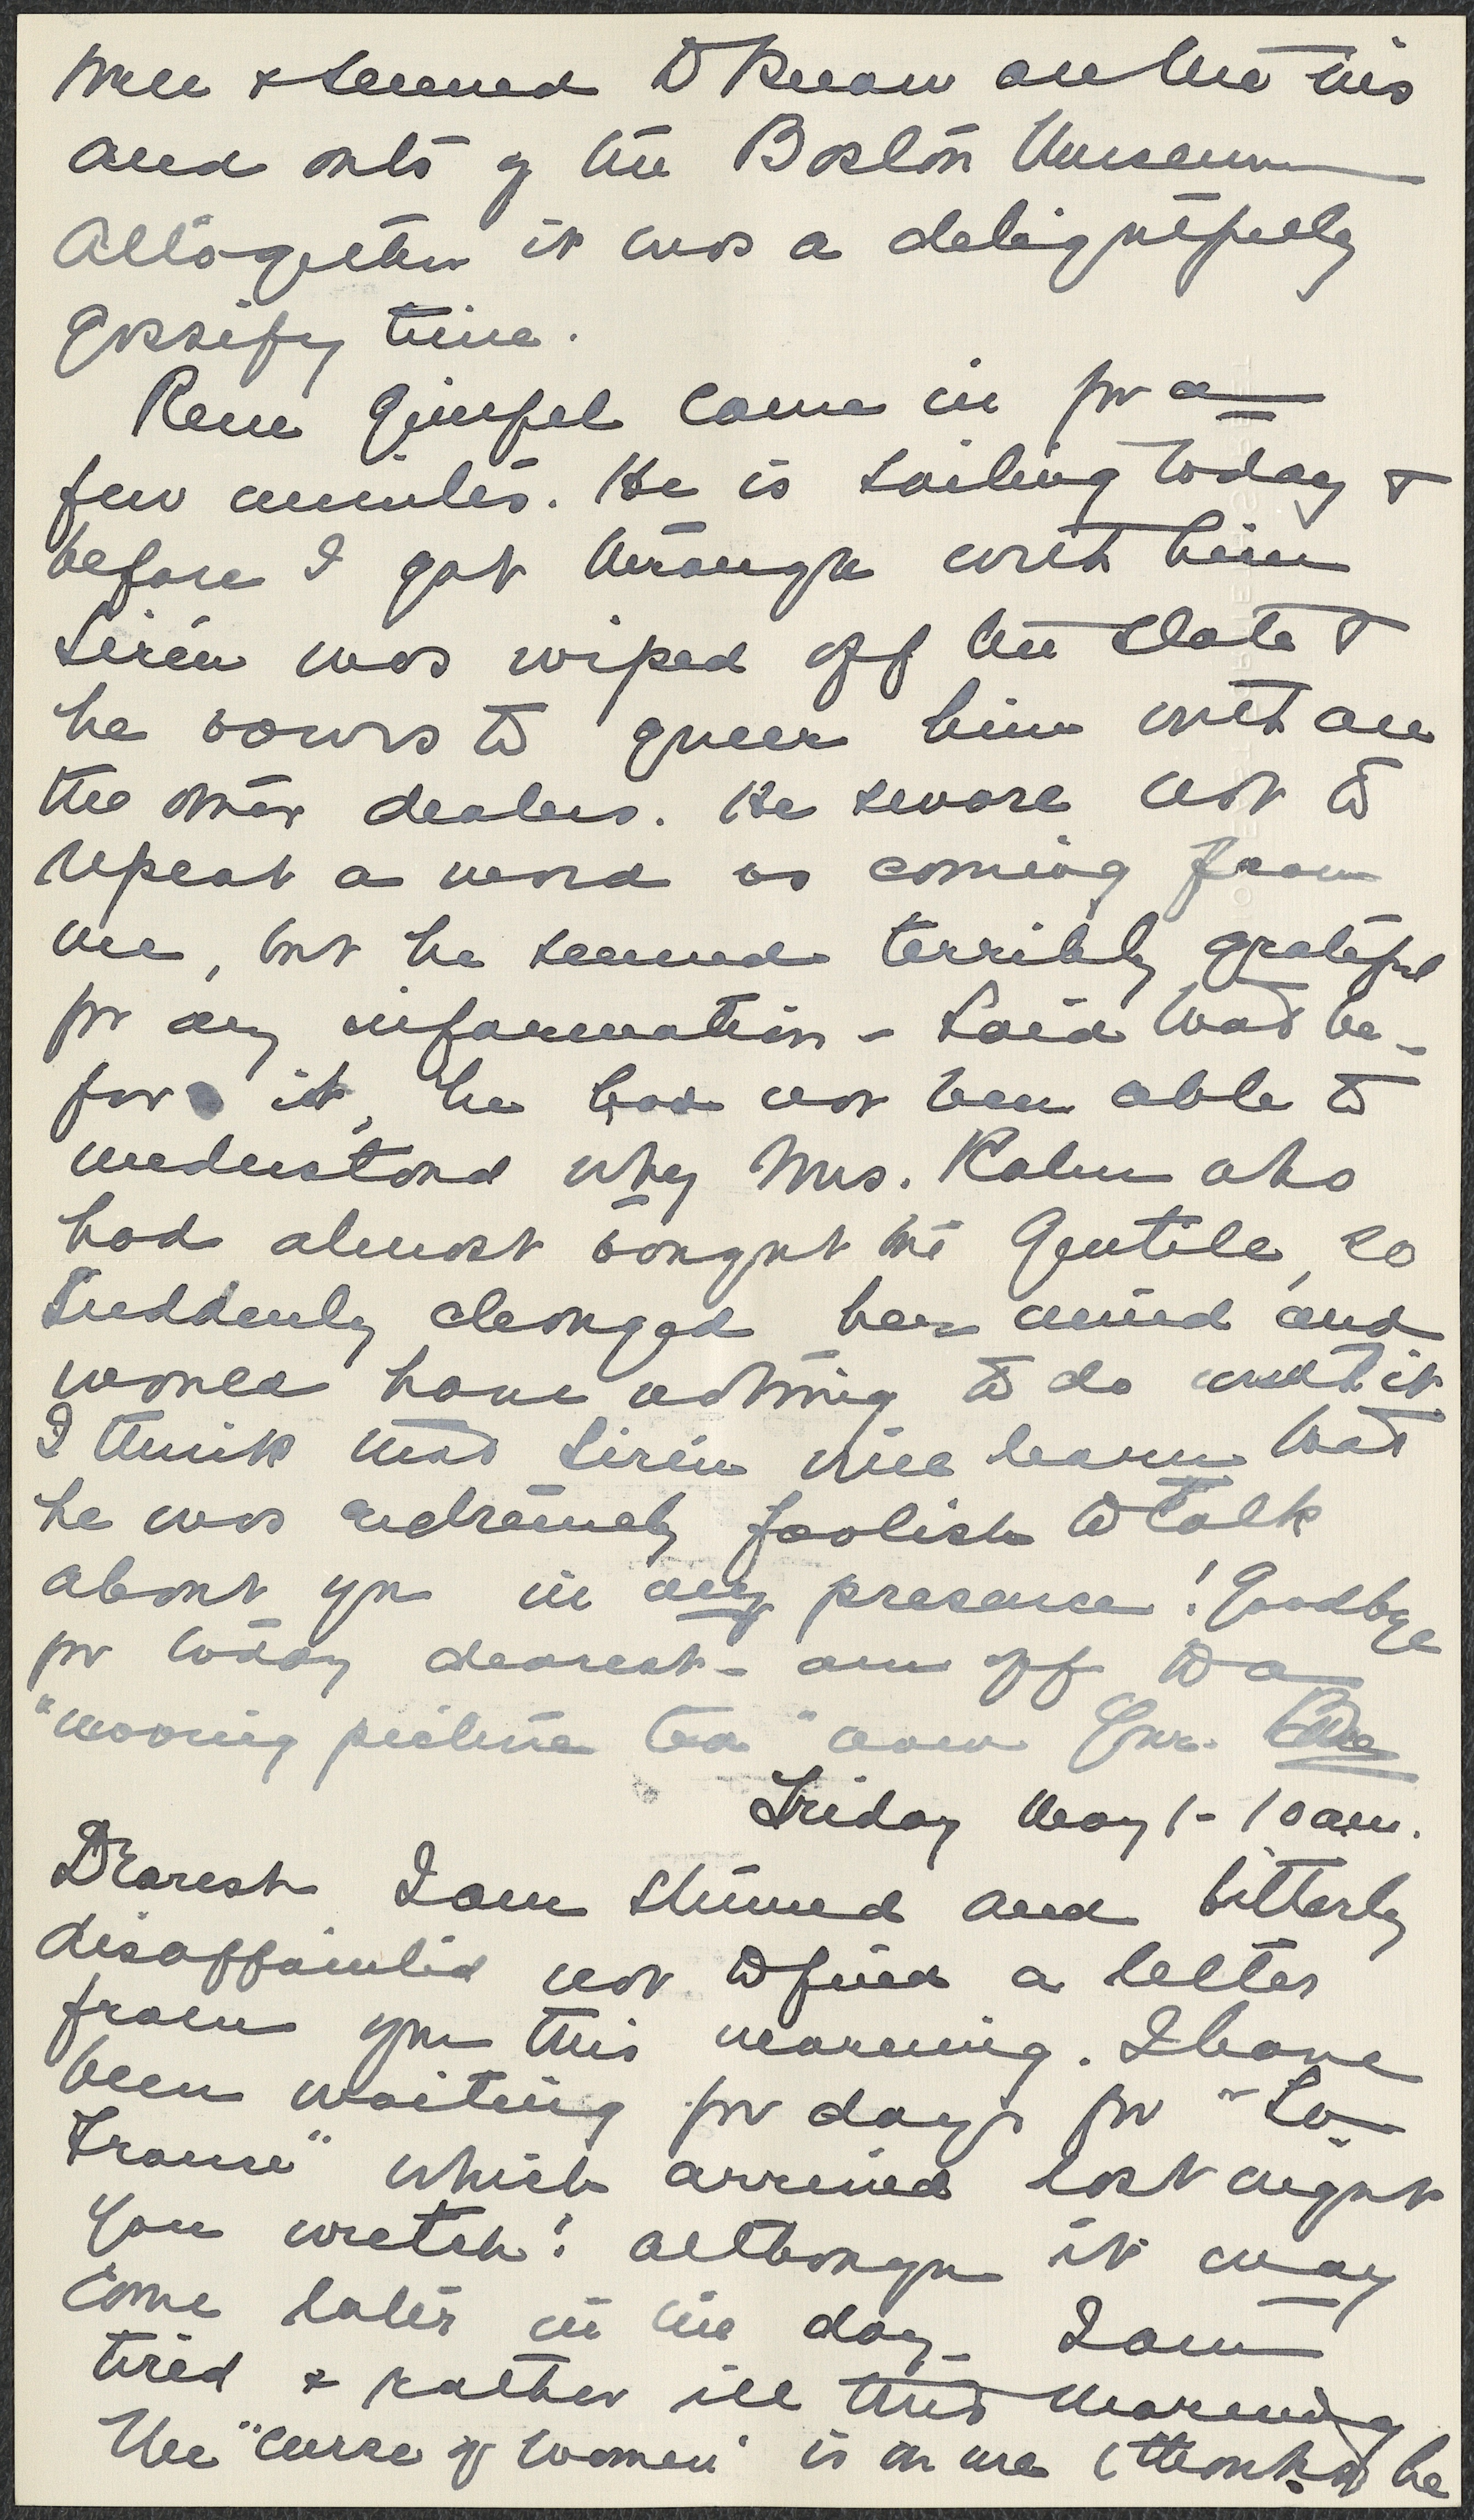well & seemed to know all the ins and outs of the Boston Museum – Altogether it was a delightfully gossipy time.
René Gimpel came in for a few minutes. He is sailing today & before I got through with him Sirén was wiped off the slate & he vows to queer him with all the other dealers. He swore not to repeat a word as coming from me, but he seemed terribly grateful for my information – said that before it, he had not been able to understand why Mrs. Kahn who had almost bought the Gentile, so suddenly changed her mind and would have nothing to do with it
I think that Sirén will learn that he was extremely foolish to talk about you in my presence! Goodbye for today dearest – am off to a “moving picture tea” now Your Belle
Friday May 1 – 10 a.m.
Dearest I am stunned and bitterly disappointed not to find a letter from you this morning. I have been waiting for days for “Le France” which arrived last night
you wretch! Although it may come later in the day – I am tired & rather ill this morning the “curse of women” is on me (thanks be